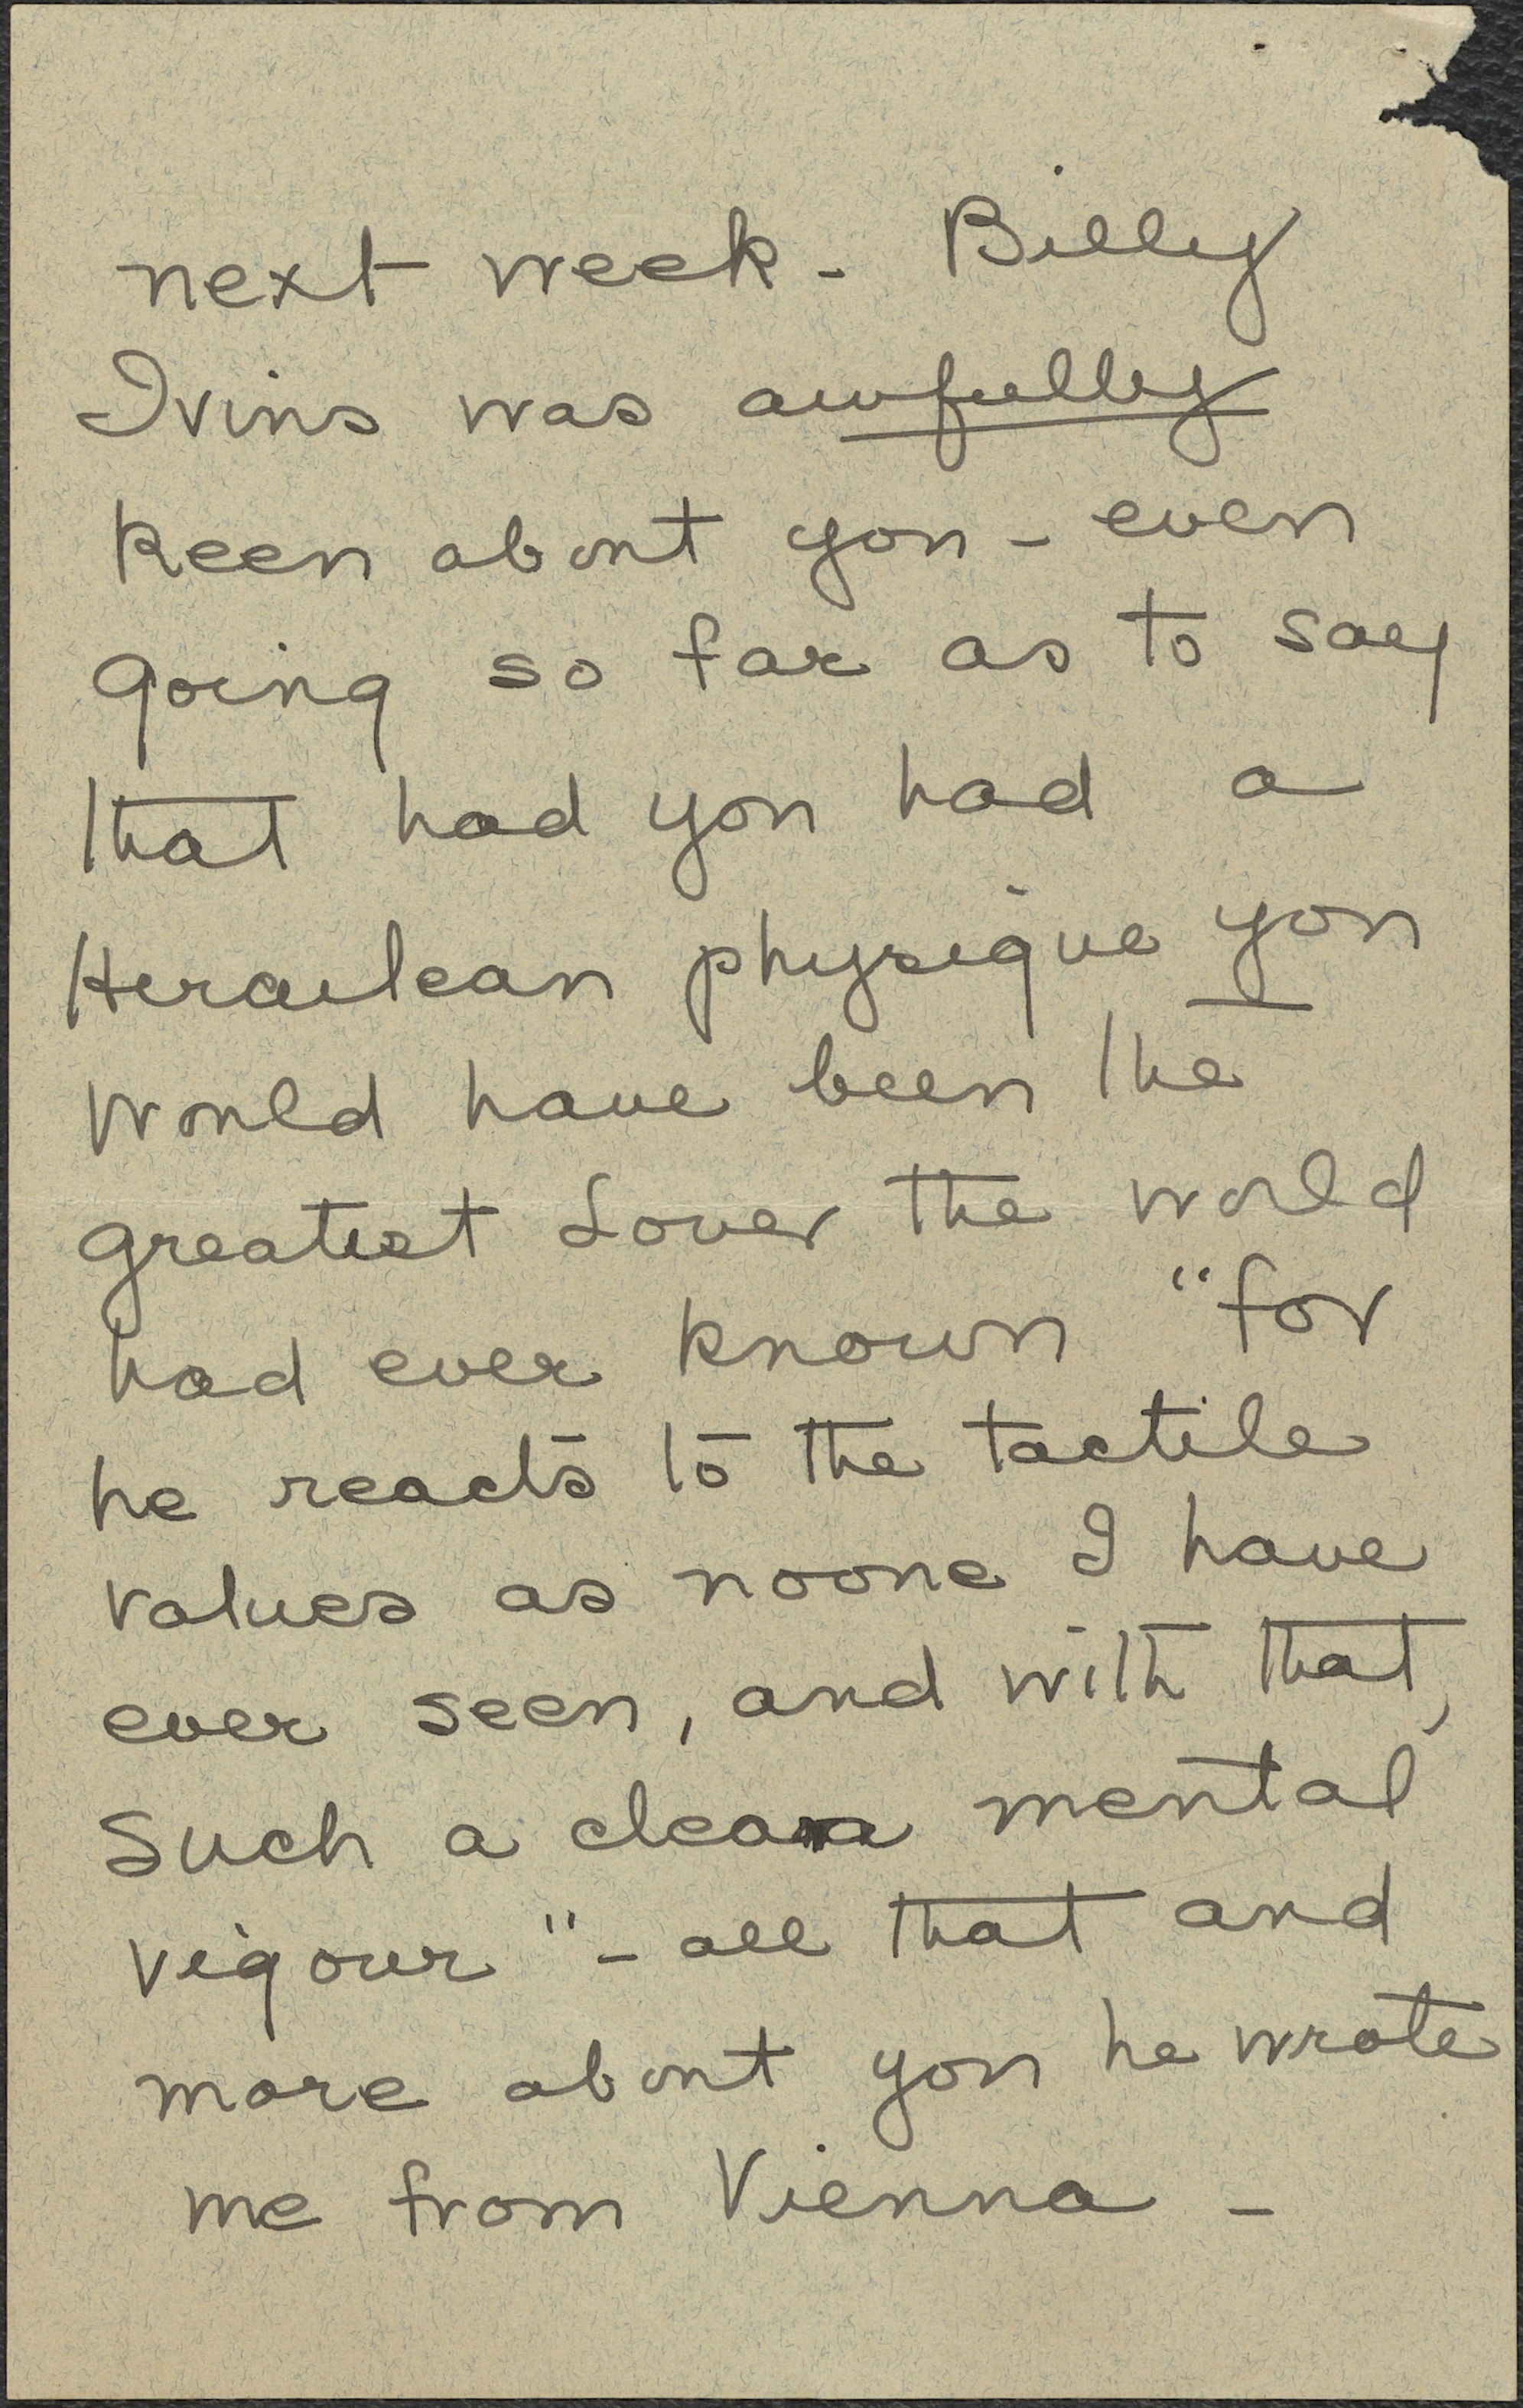next week – Billy Ivins was awfully keen about you – even going so far as to say that had you had a Herculean physique you would have been the greatest Lover the world had ever known “for he reacts to the tactile values as noone [sic] I have ever seen, and with that, such a clear mental vigour” – all that and more about you he wrote me from Vienna –